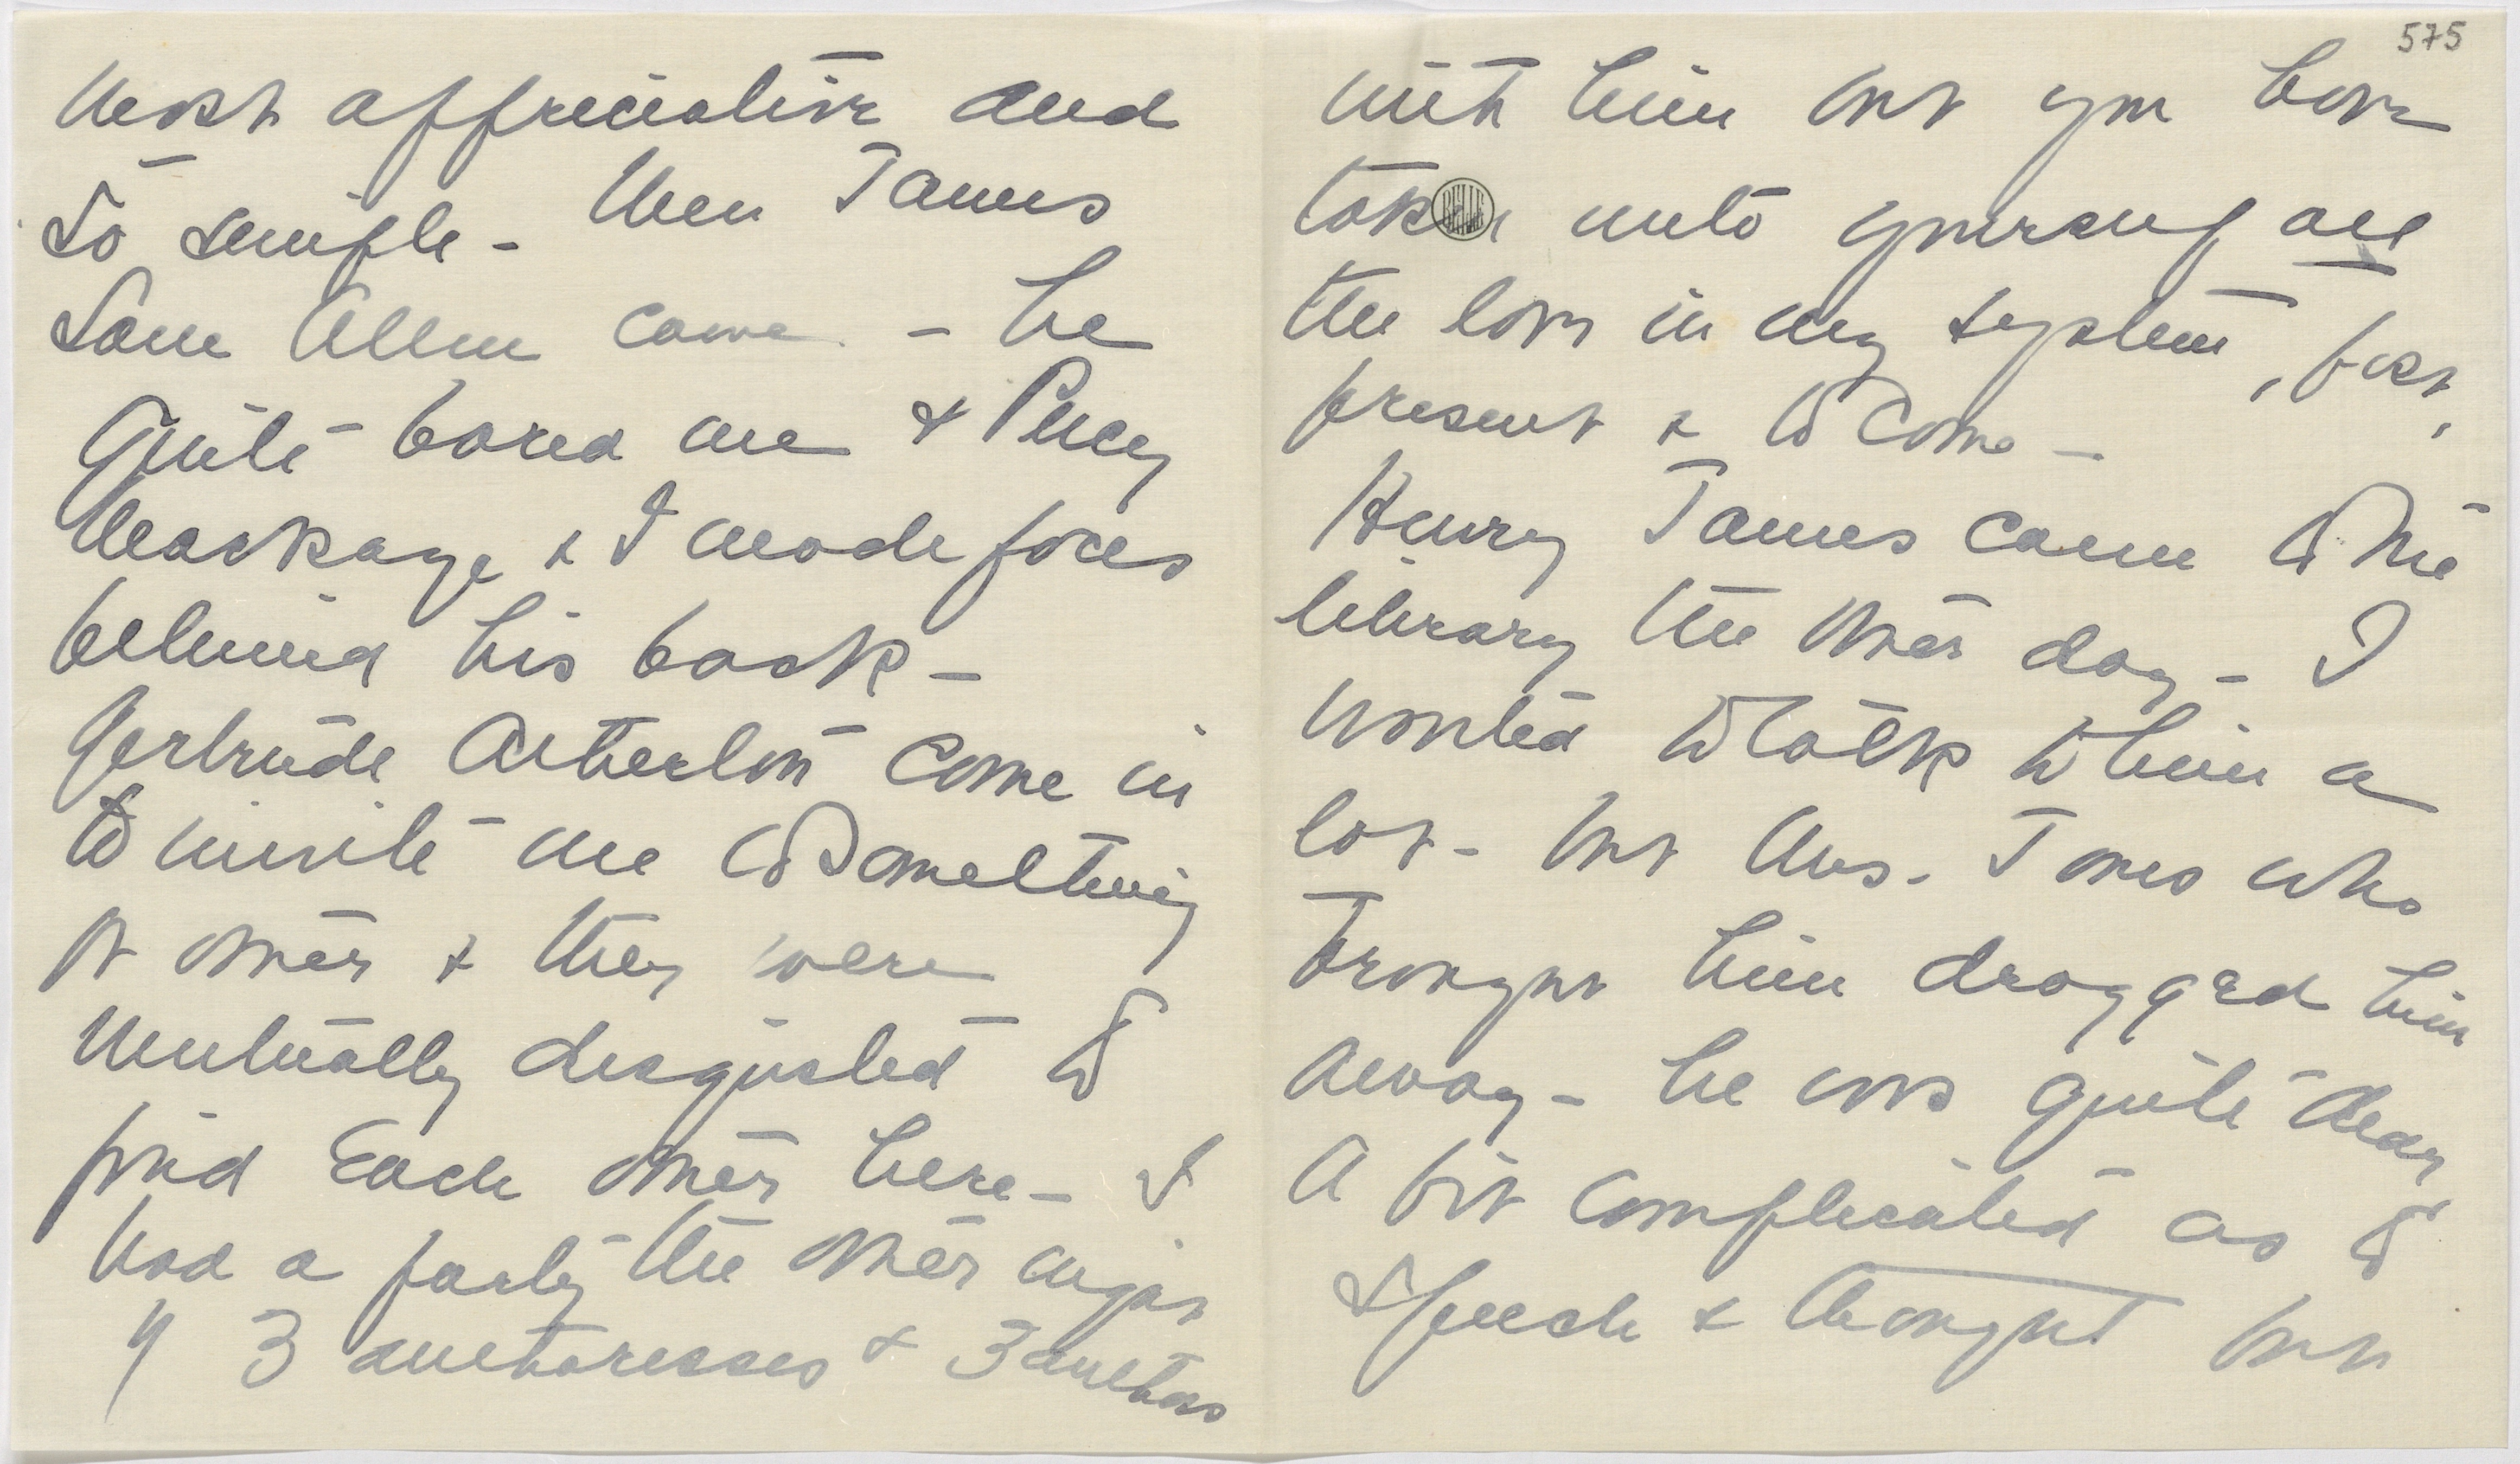with him but you have taken unto yourself all the love in my system, past, present & to come –
Henry James came to the library the other day – I wanted to talk to him a lot – but Mrs. Jones who brought him dragged him away – he was quite dear, a bit complicated as to speech & thought but
most appreciative and so simple – then James Lane Allen came – he quite bored me & Percy Mackaye & I made faces behind his back – Gertrude Atherton came in to invite me to something or other & they were mutually disgusted to find each other here – I had a party the other night of 3 authoresses & 3 authors